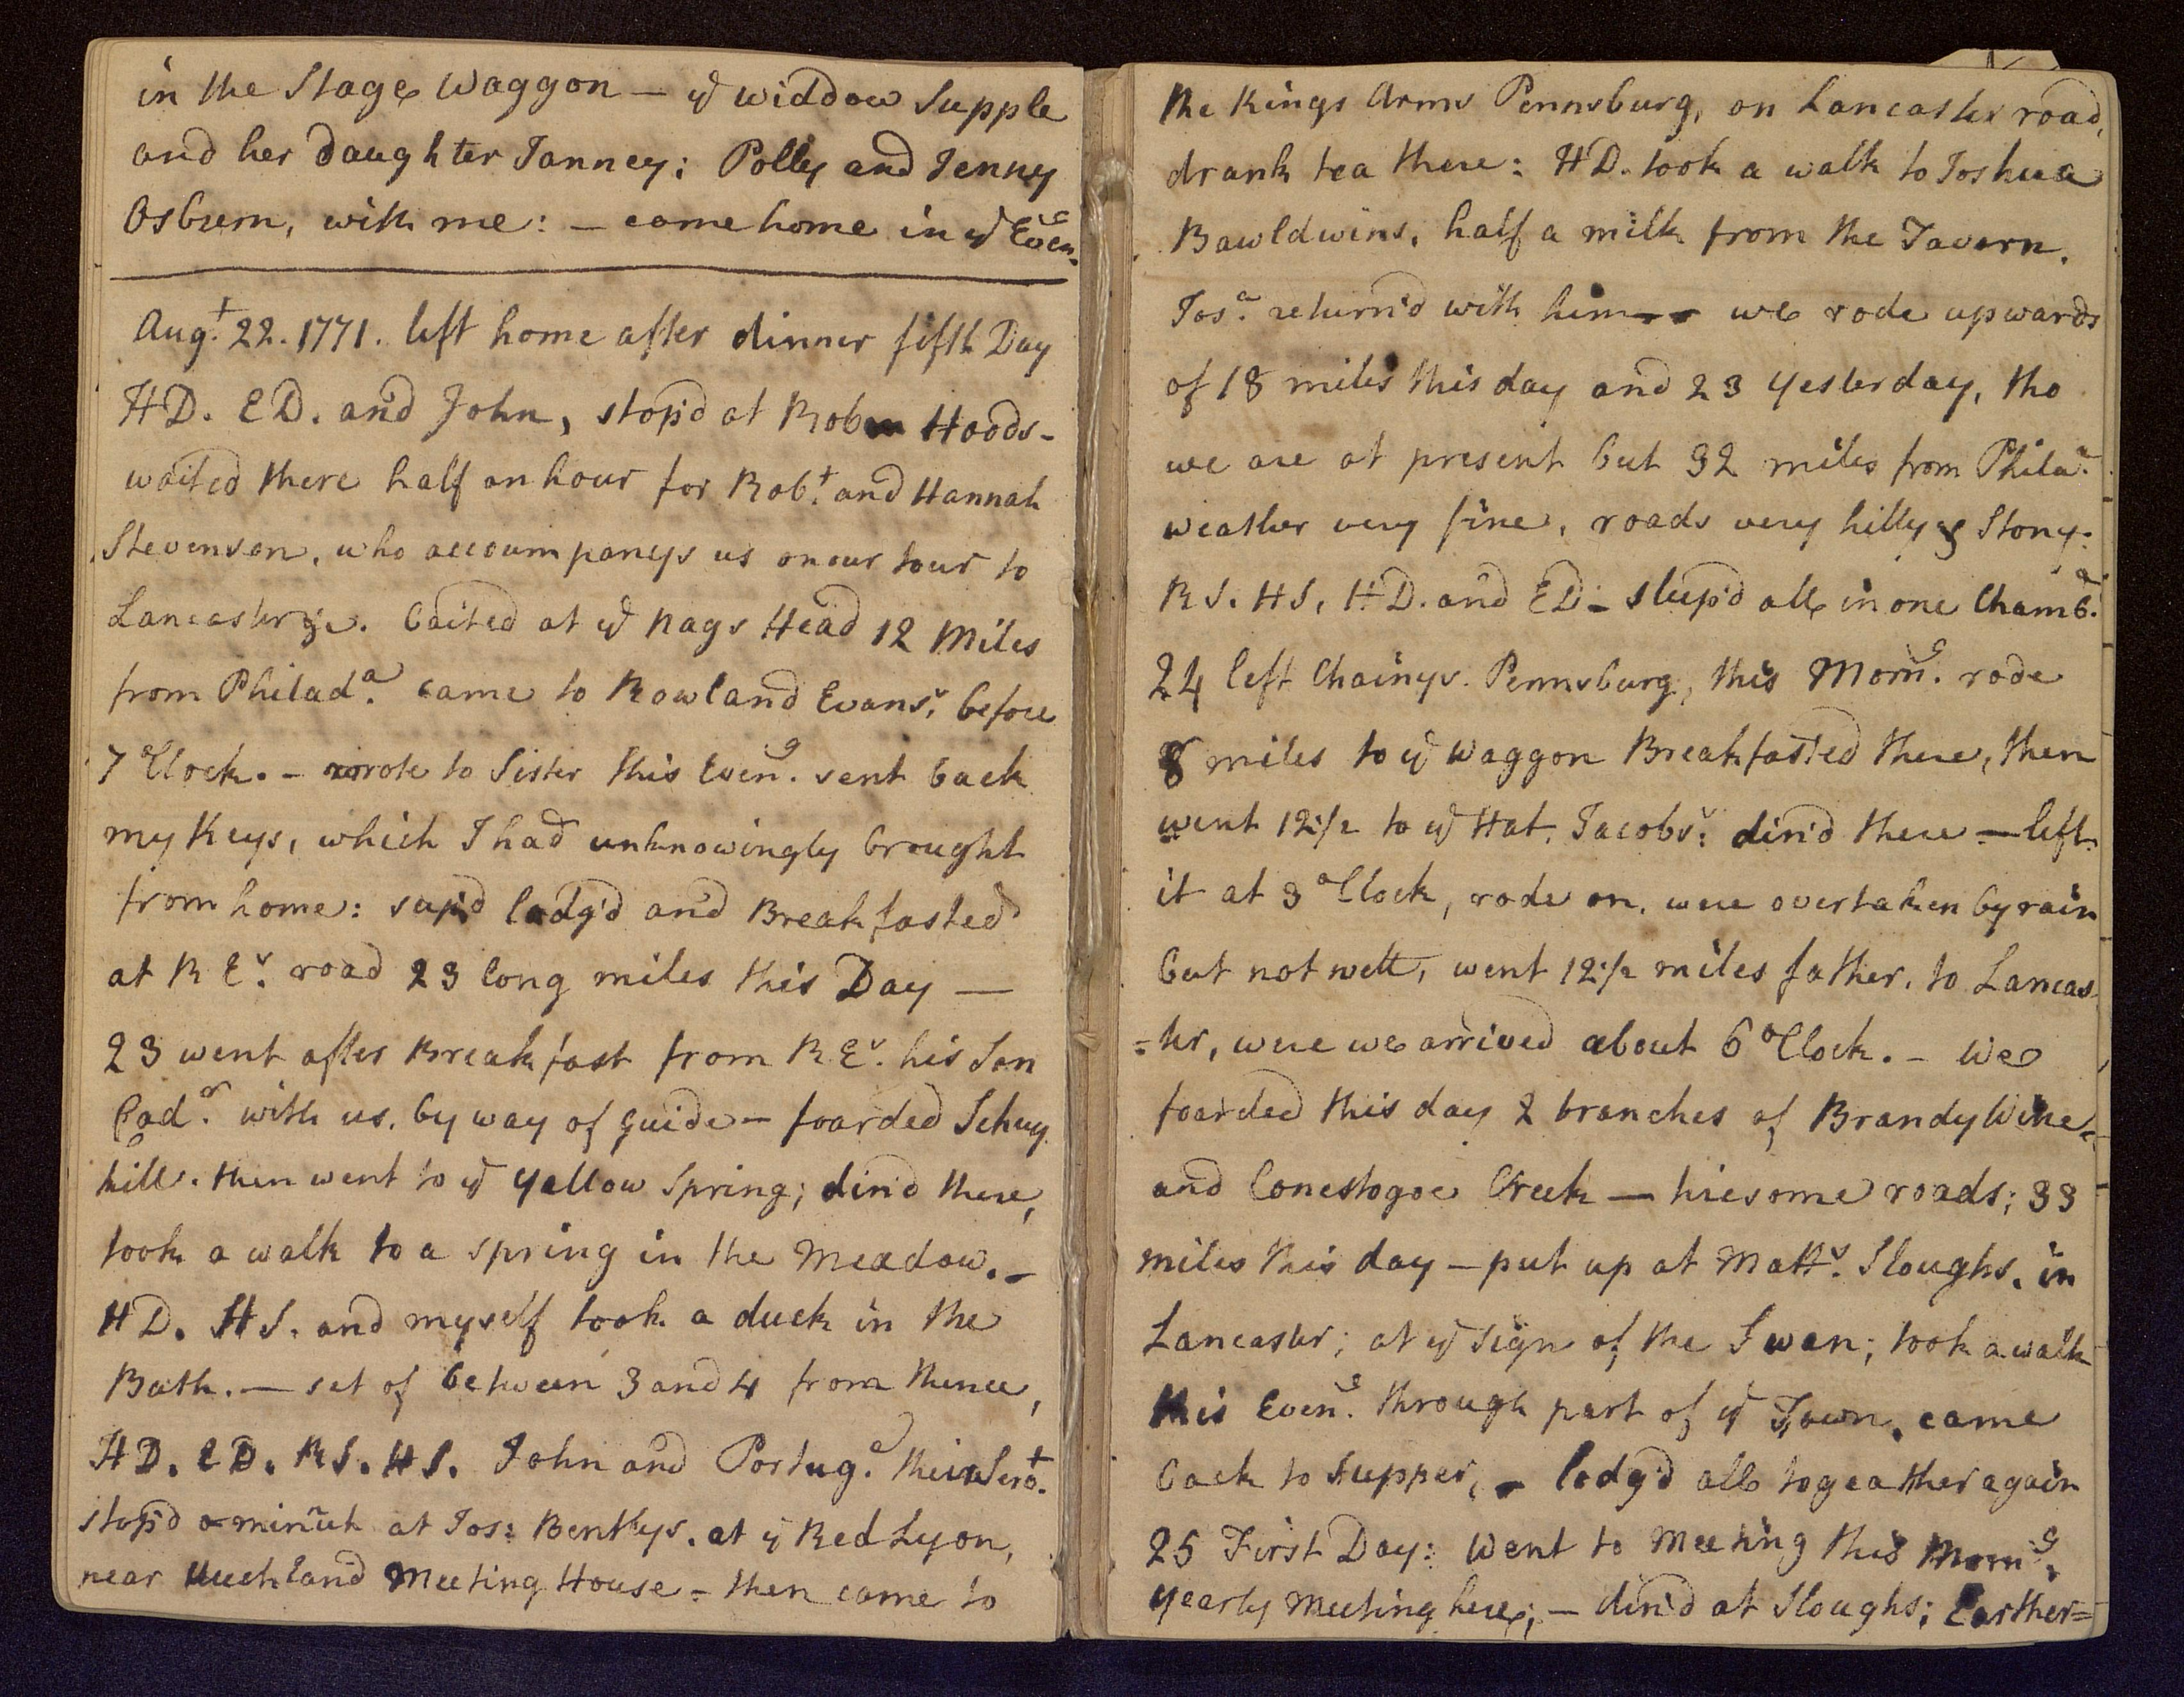in the Stage Waggon- y^e widdow supple
and her daughter Janney; Polly and Jenny
Osburn, with me:- came home in y^e Even^g.
Aug^t. 22. 1771. left home after dinner fifth Day
HD. ED. and John, stop'd at Rob[__] Hoods.
waited there half an hour for Rob^t. and Hannah
Stevenson, who accoumpanys us on our tour to
Lancaster &c. Caited at y^e hags Head 12 Miles
from Philad^a. came to Rowland Evans^s. before
7 oClock. - wrote to Sister this Even^g. sent back
my keys, which I had unknowingly brought
from home: sup'd lodg'd and Breakfasted
at RE^v. road 23 long miles this Day-
23 went after Breakfast from RE^v. his Son
Cad^r. with us. by way of guide- foarded Schuy
hill. then went to y^e Yellow Spring; din'd there,
took a walk to a spring in the meadow.-
HD. HS. and myself took a duck in the
Bath.- set of between 3 and 4 from thence,
HD. ED. MS. HS. John and Portug^d their Serv^t.
stop'd a min^nut at Jos: Bentlys, at y^e Red Lyon,
near Hushland? Meeting House- then came to
the Kings Arms Pennsburg, on Lancaster road,
drank tea there: HD. took a walk to Joshua
Bawldwins, half a milk from the Tavern.
Jos^a return'd with him we rode upwards
of 18 miles this day and 23 Yesterday, tho
we are at present but 32 miles from Phila^a.
weather very fine, roads very hilly & Stony.
RS. HS, HD. and ED- sleep'd all in one Chamb^r.
24 left Chainys. Pennsburg, this Morn^g. rode
8 miles to y^e waggon Breakfasted there, then
went 11 1/2 to y^e Hat Jacobs^s: din'd there- left
it at 3 ^oClock, rode on, were overtaken by rain
but not welt?, went 12 1/2 miles father, to Lancas-
-ter, were we arrived about 6 ^oClock.- We
foarded this day 2 branches of Brandy Wine
and Conestogoe Creek- tiesome roads; 3 3
miles this day- put up at Matt^s. Sloughs, in
Lancaster; at y^e sign of the Swan?; took a walk
this Even^g. through part of of Town, came
back to supper,- lodg'd all togeather again
25 First Day: Went to meeting this morn^g.
yearly meeting here,- dind at Sloughs; Carther-